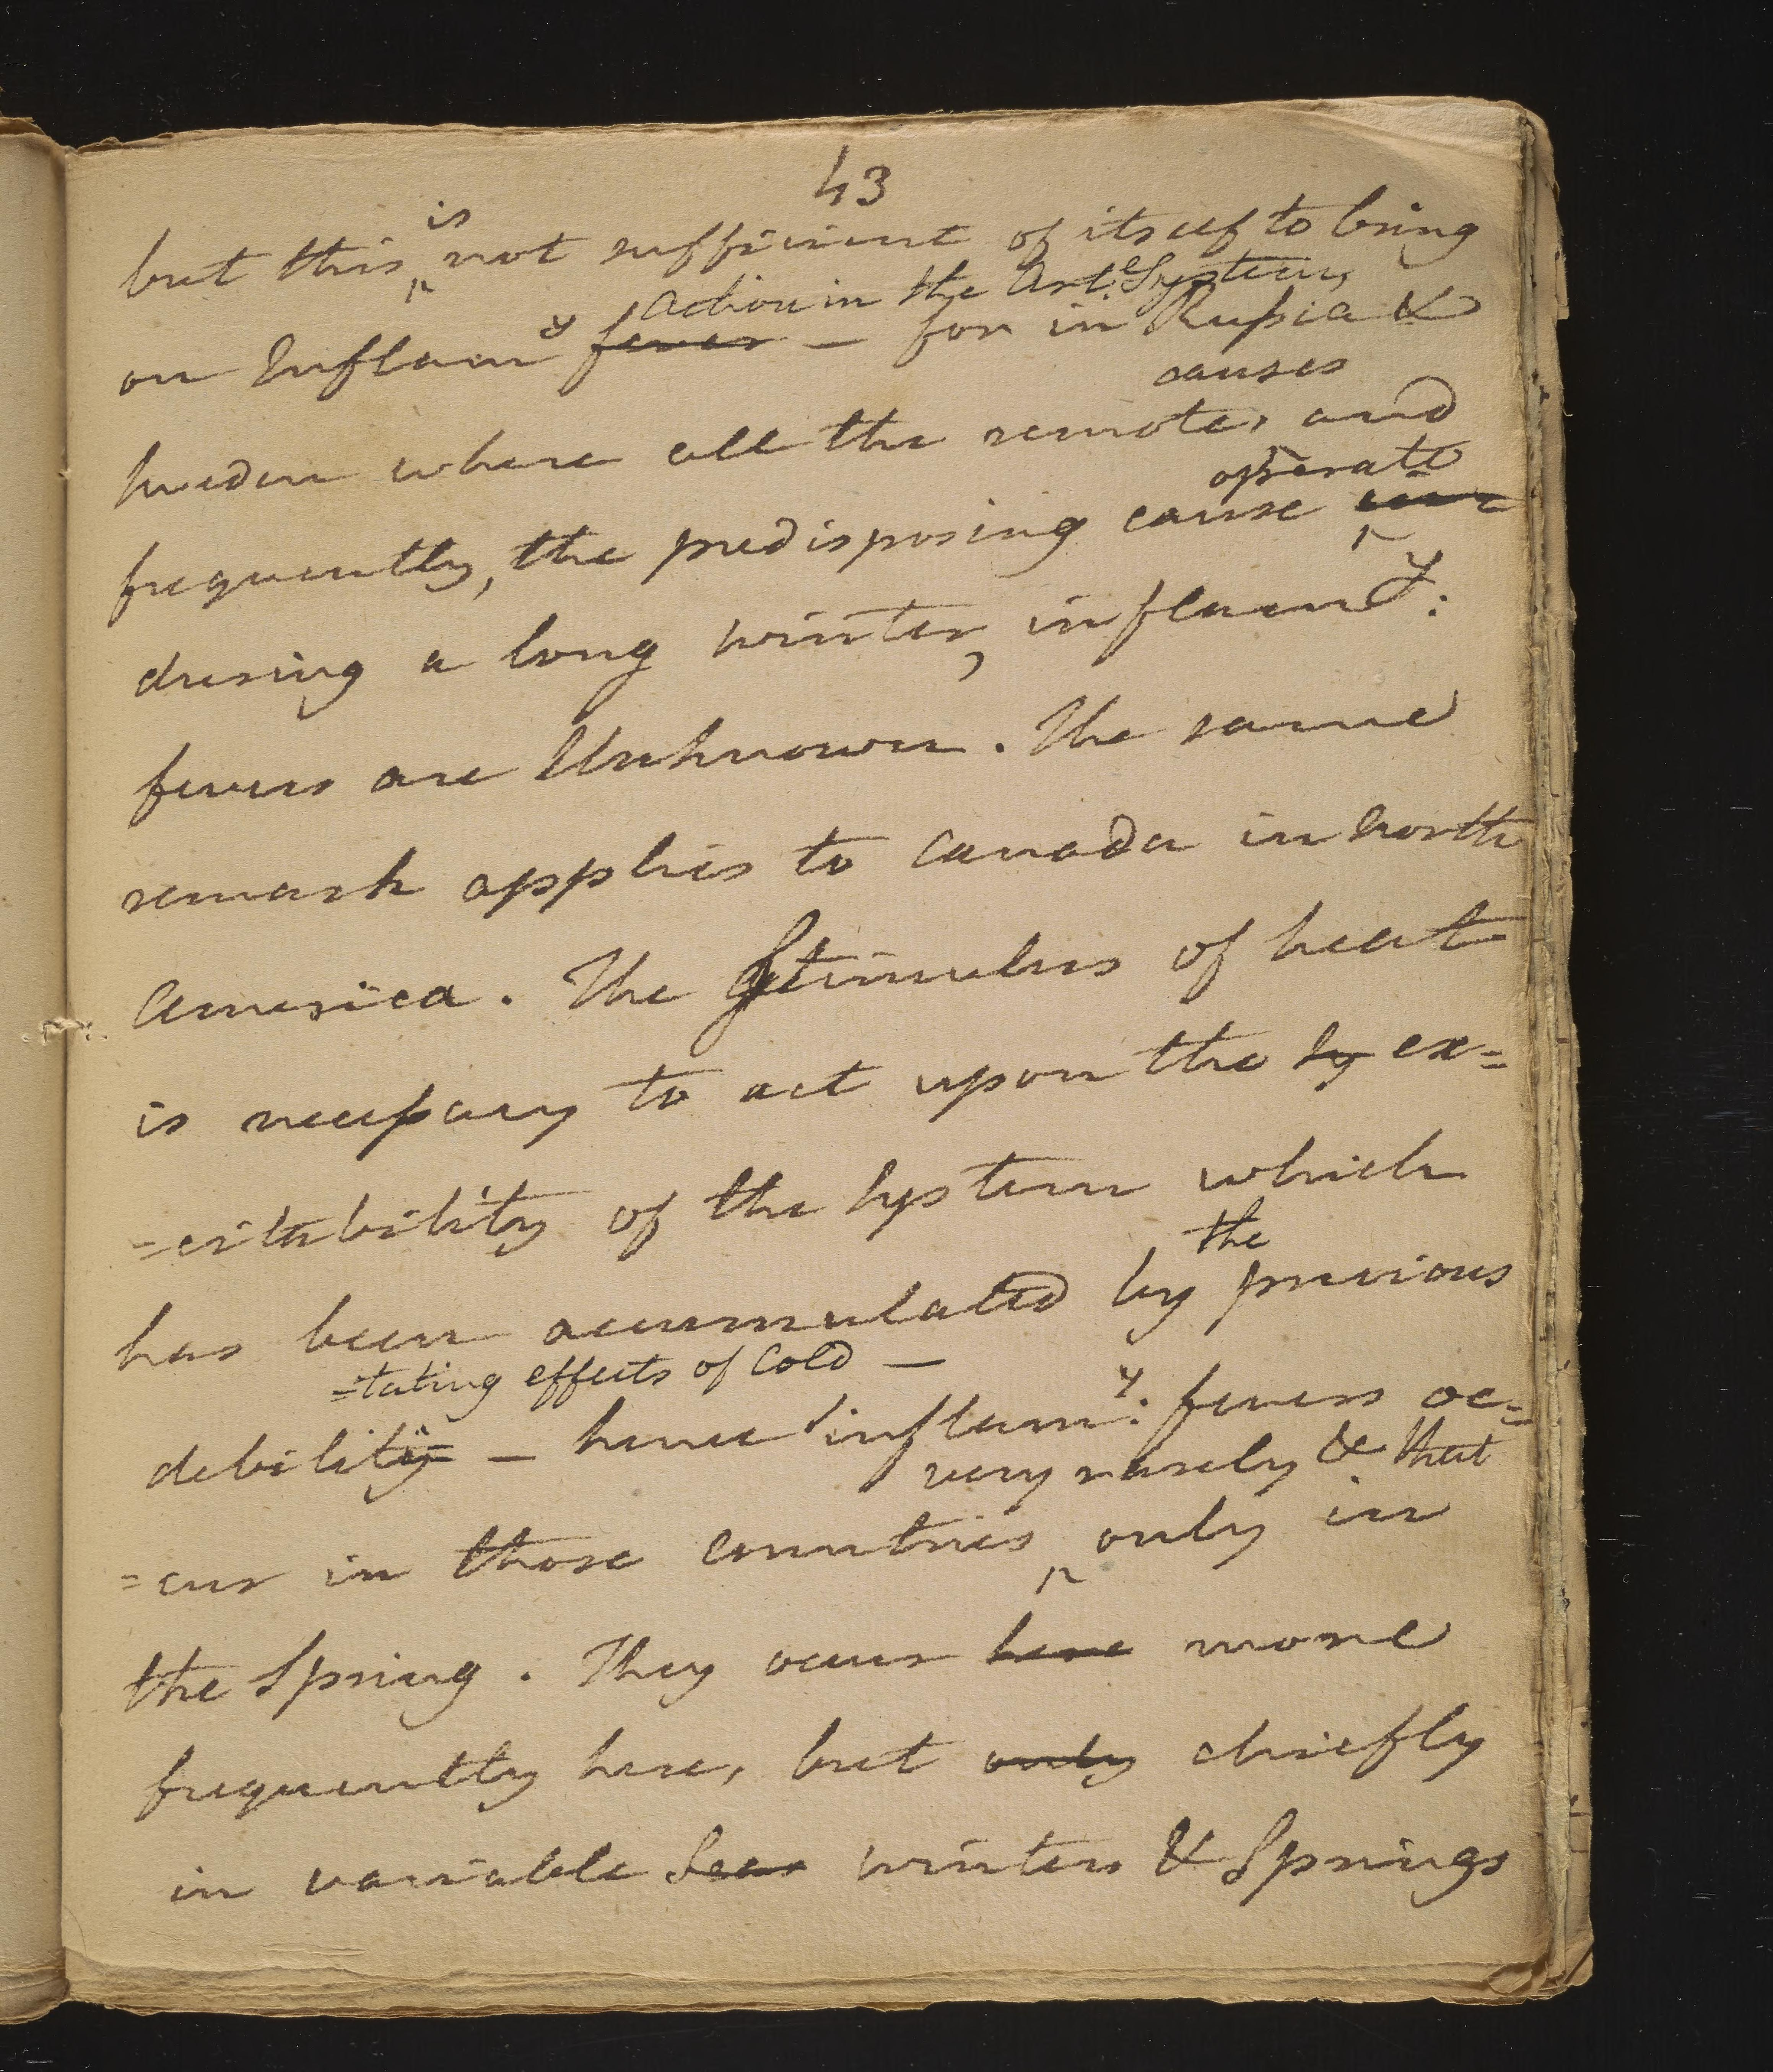is
43
but this ^ not sufficient of itself to bring
action in the Art. Systems
on inflam^y [fever], for in Russia &
senses
Sweden where all the remote ^, and
operate
frequently, the predisposing cause ^ [____]
during a long winter, inflam^y
fevers are Unknown. The same
remark applies to Canada in north
America. The Stimulus of heat
is necessary to act upon the ex-
-citability of the system which
the
has ben accumulated by previous
-tating effects of cold,
debility, hence inflam^y fevers oc-
very rarely & that
-cur in those countries ^ only in
the spring. They occur here more
frequently here, but [only] chiefly
in variable [Seas] winters & springs